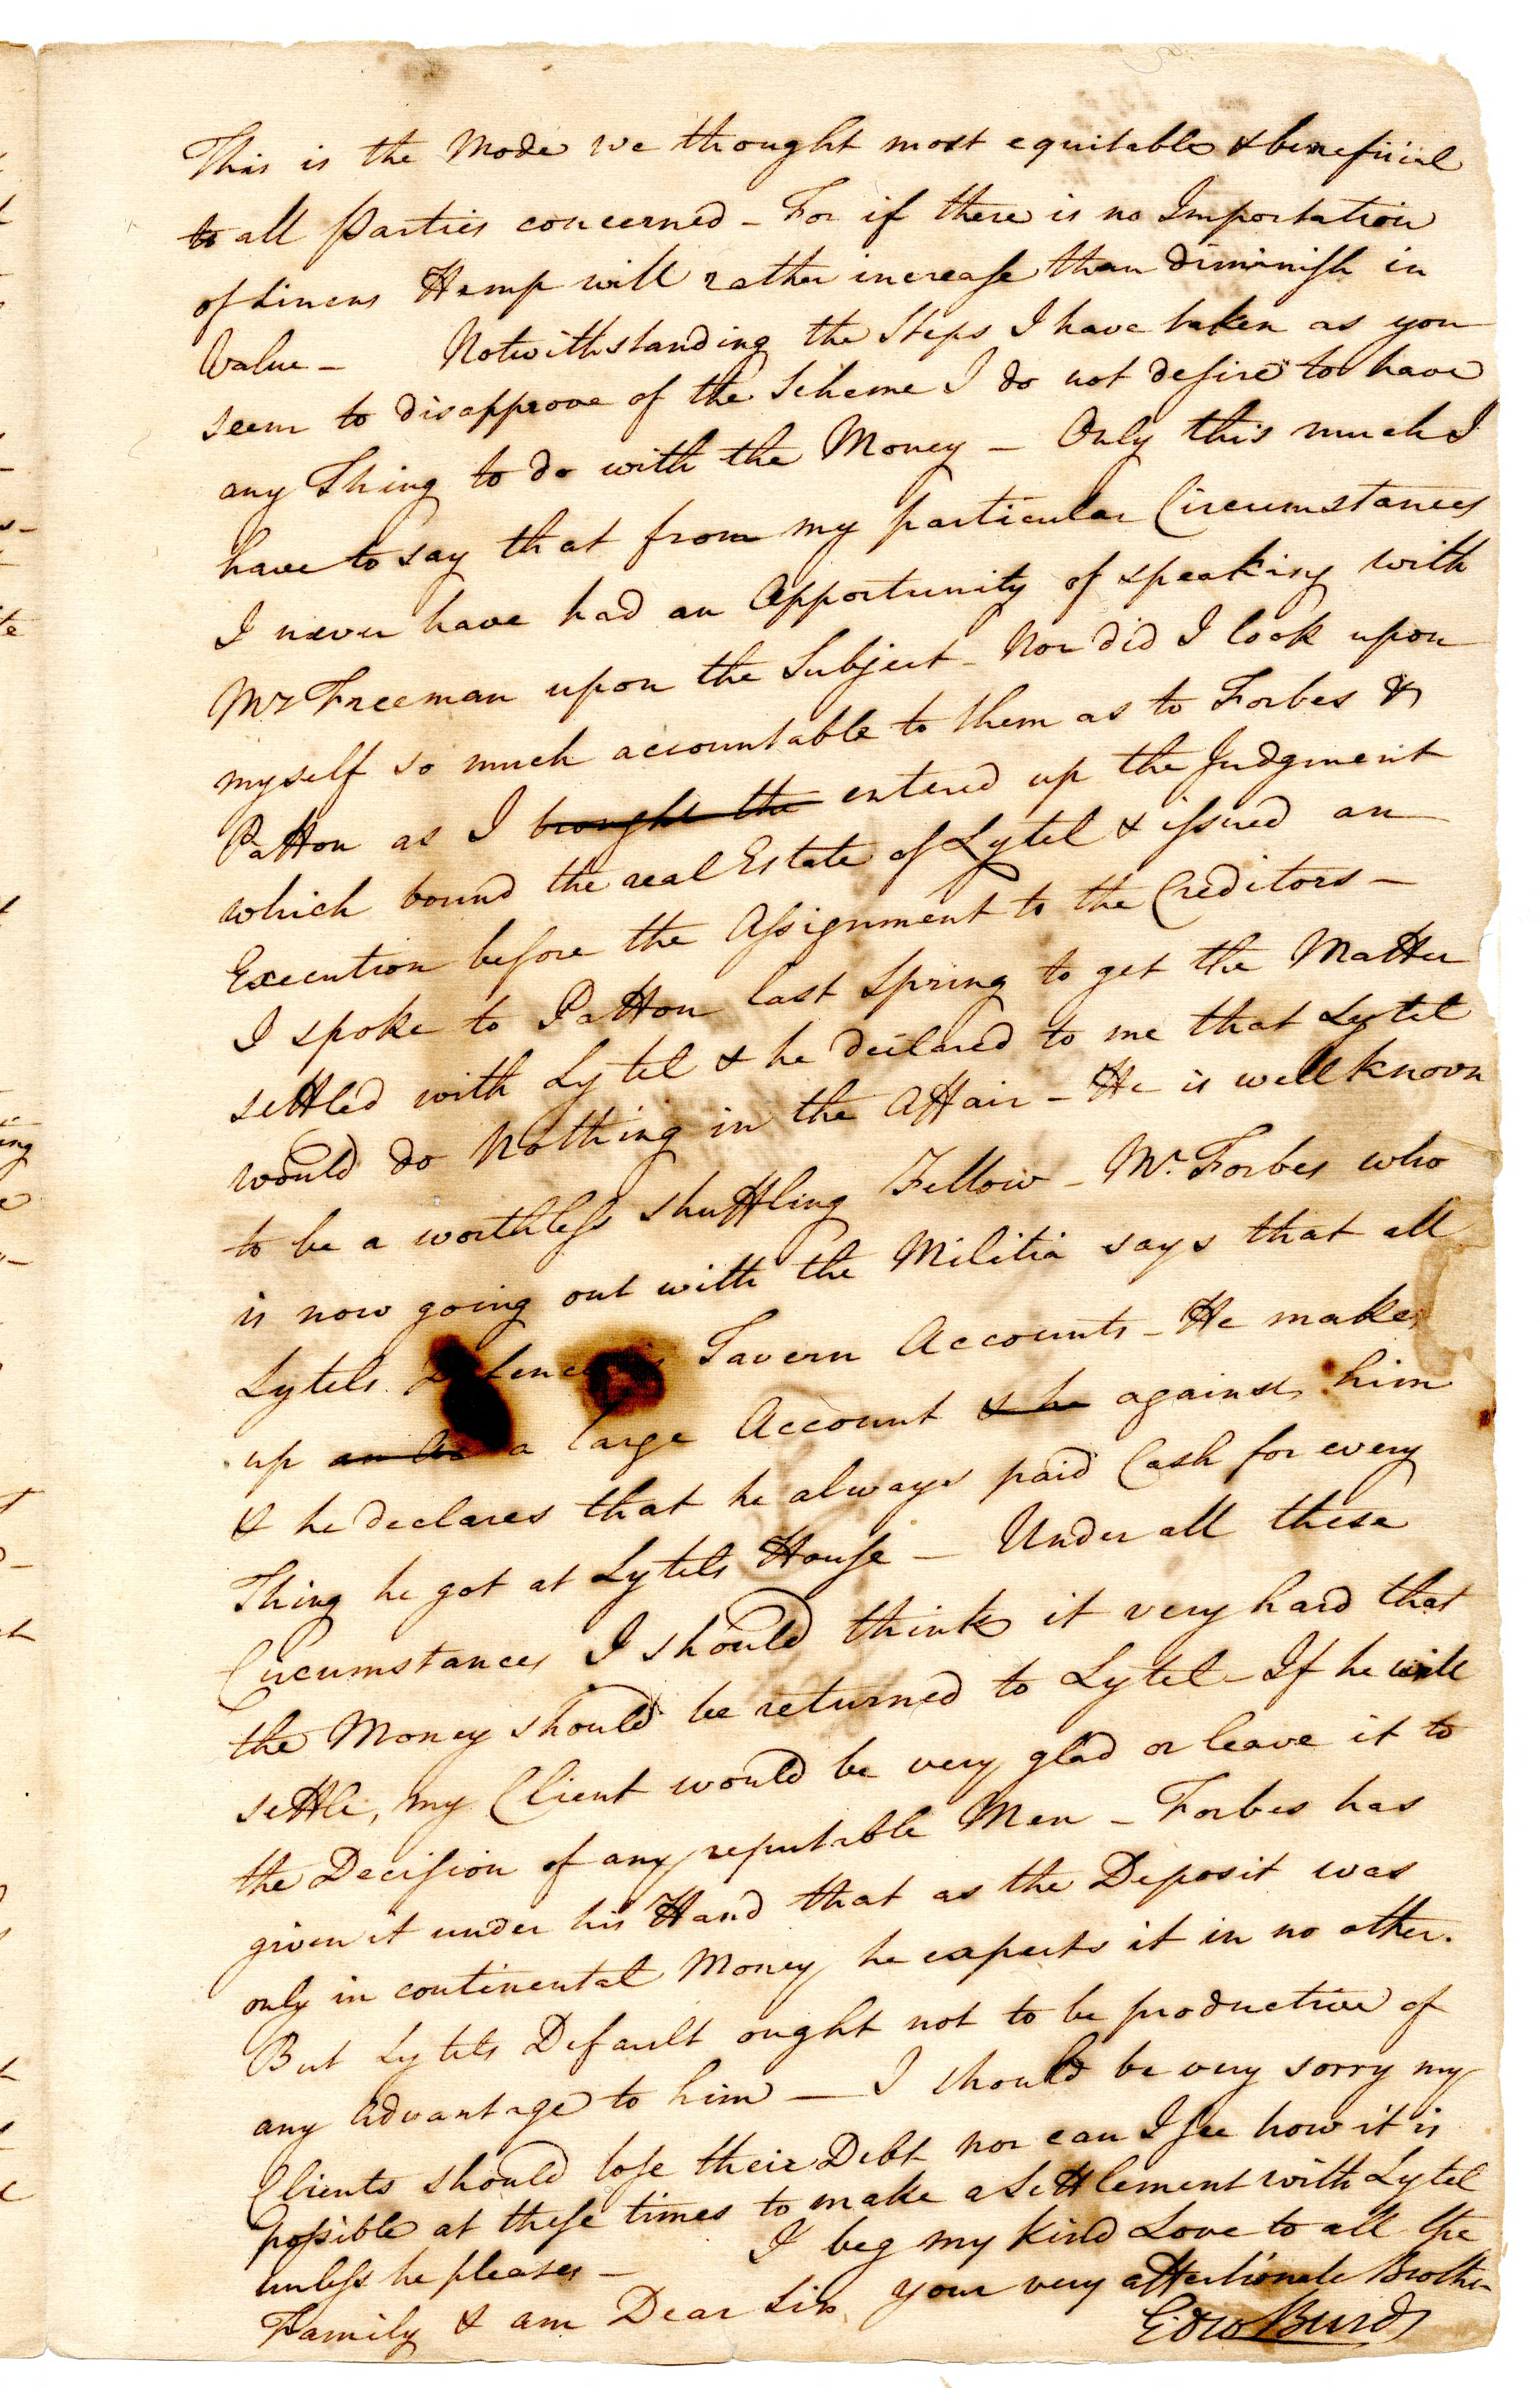This is the mode we thought most equitable & beneficial
to all parties concerned- For if there is no Importation
of Linens Hemp will rather increase than diminish in
Value- Notwithstanding the Steps I have taken as you
seem to disapprove of the Scheme I do not desire to have
any Thing to do with the Money- Only this much I
have to say that from my particular Circumstances
I never have had an Opportunity of speaking with
M^r Freeman upon the Subject- Nor did I look upon
myself so much accountable to them as to Forbes &
Patton as I brought the entered up the Judgment
which bound the real Estate of Lytel & issued an
Execution before the Assignment to the Creditors-
I spoke to Patton last Spring to get the Matter
settled with Lytel & he declared to me that Lytel
would do Nothing in the Affair- He is well known
to be a worthless shuffling Fellow- M^r. Forbes who
is now going out with the Militia says that all
Lytels D[_]fenc[___] Tavern Accounts- He makes
up an Ac a large Account & he against him
& he declares that he always paid Cash for every
Thing he got at Lytels House- Under all these
Circumstances I should think it very hard that
the Money should be returned to Lytel- If he will
settle, my Client would be very glad or leave it to
the Decision of any reputable Men- Forbes has
given it under his Hand that as the Deposit was
only in continental Money he expects it in no other.
But Lytels Default ought not to be productive of
any Advantage to him- I should be very sorry my
Clients should lose their Debt nor can I see how it is
possible at these times to make a Settlement with Lytel
unless he pleases-
I beg my kind Love to all the
family & am Dear Sir your very affectionate Brother
Edw. Burd